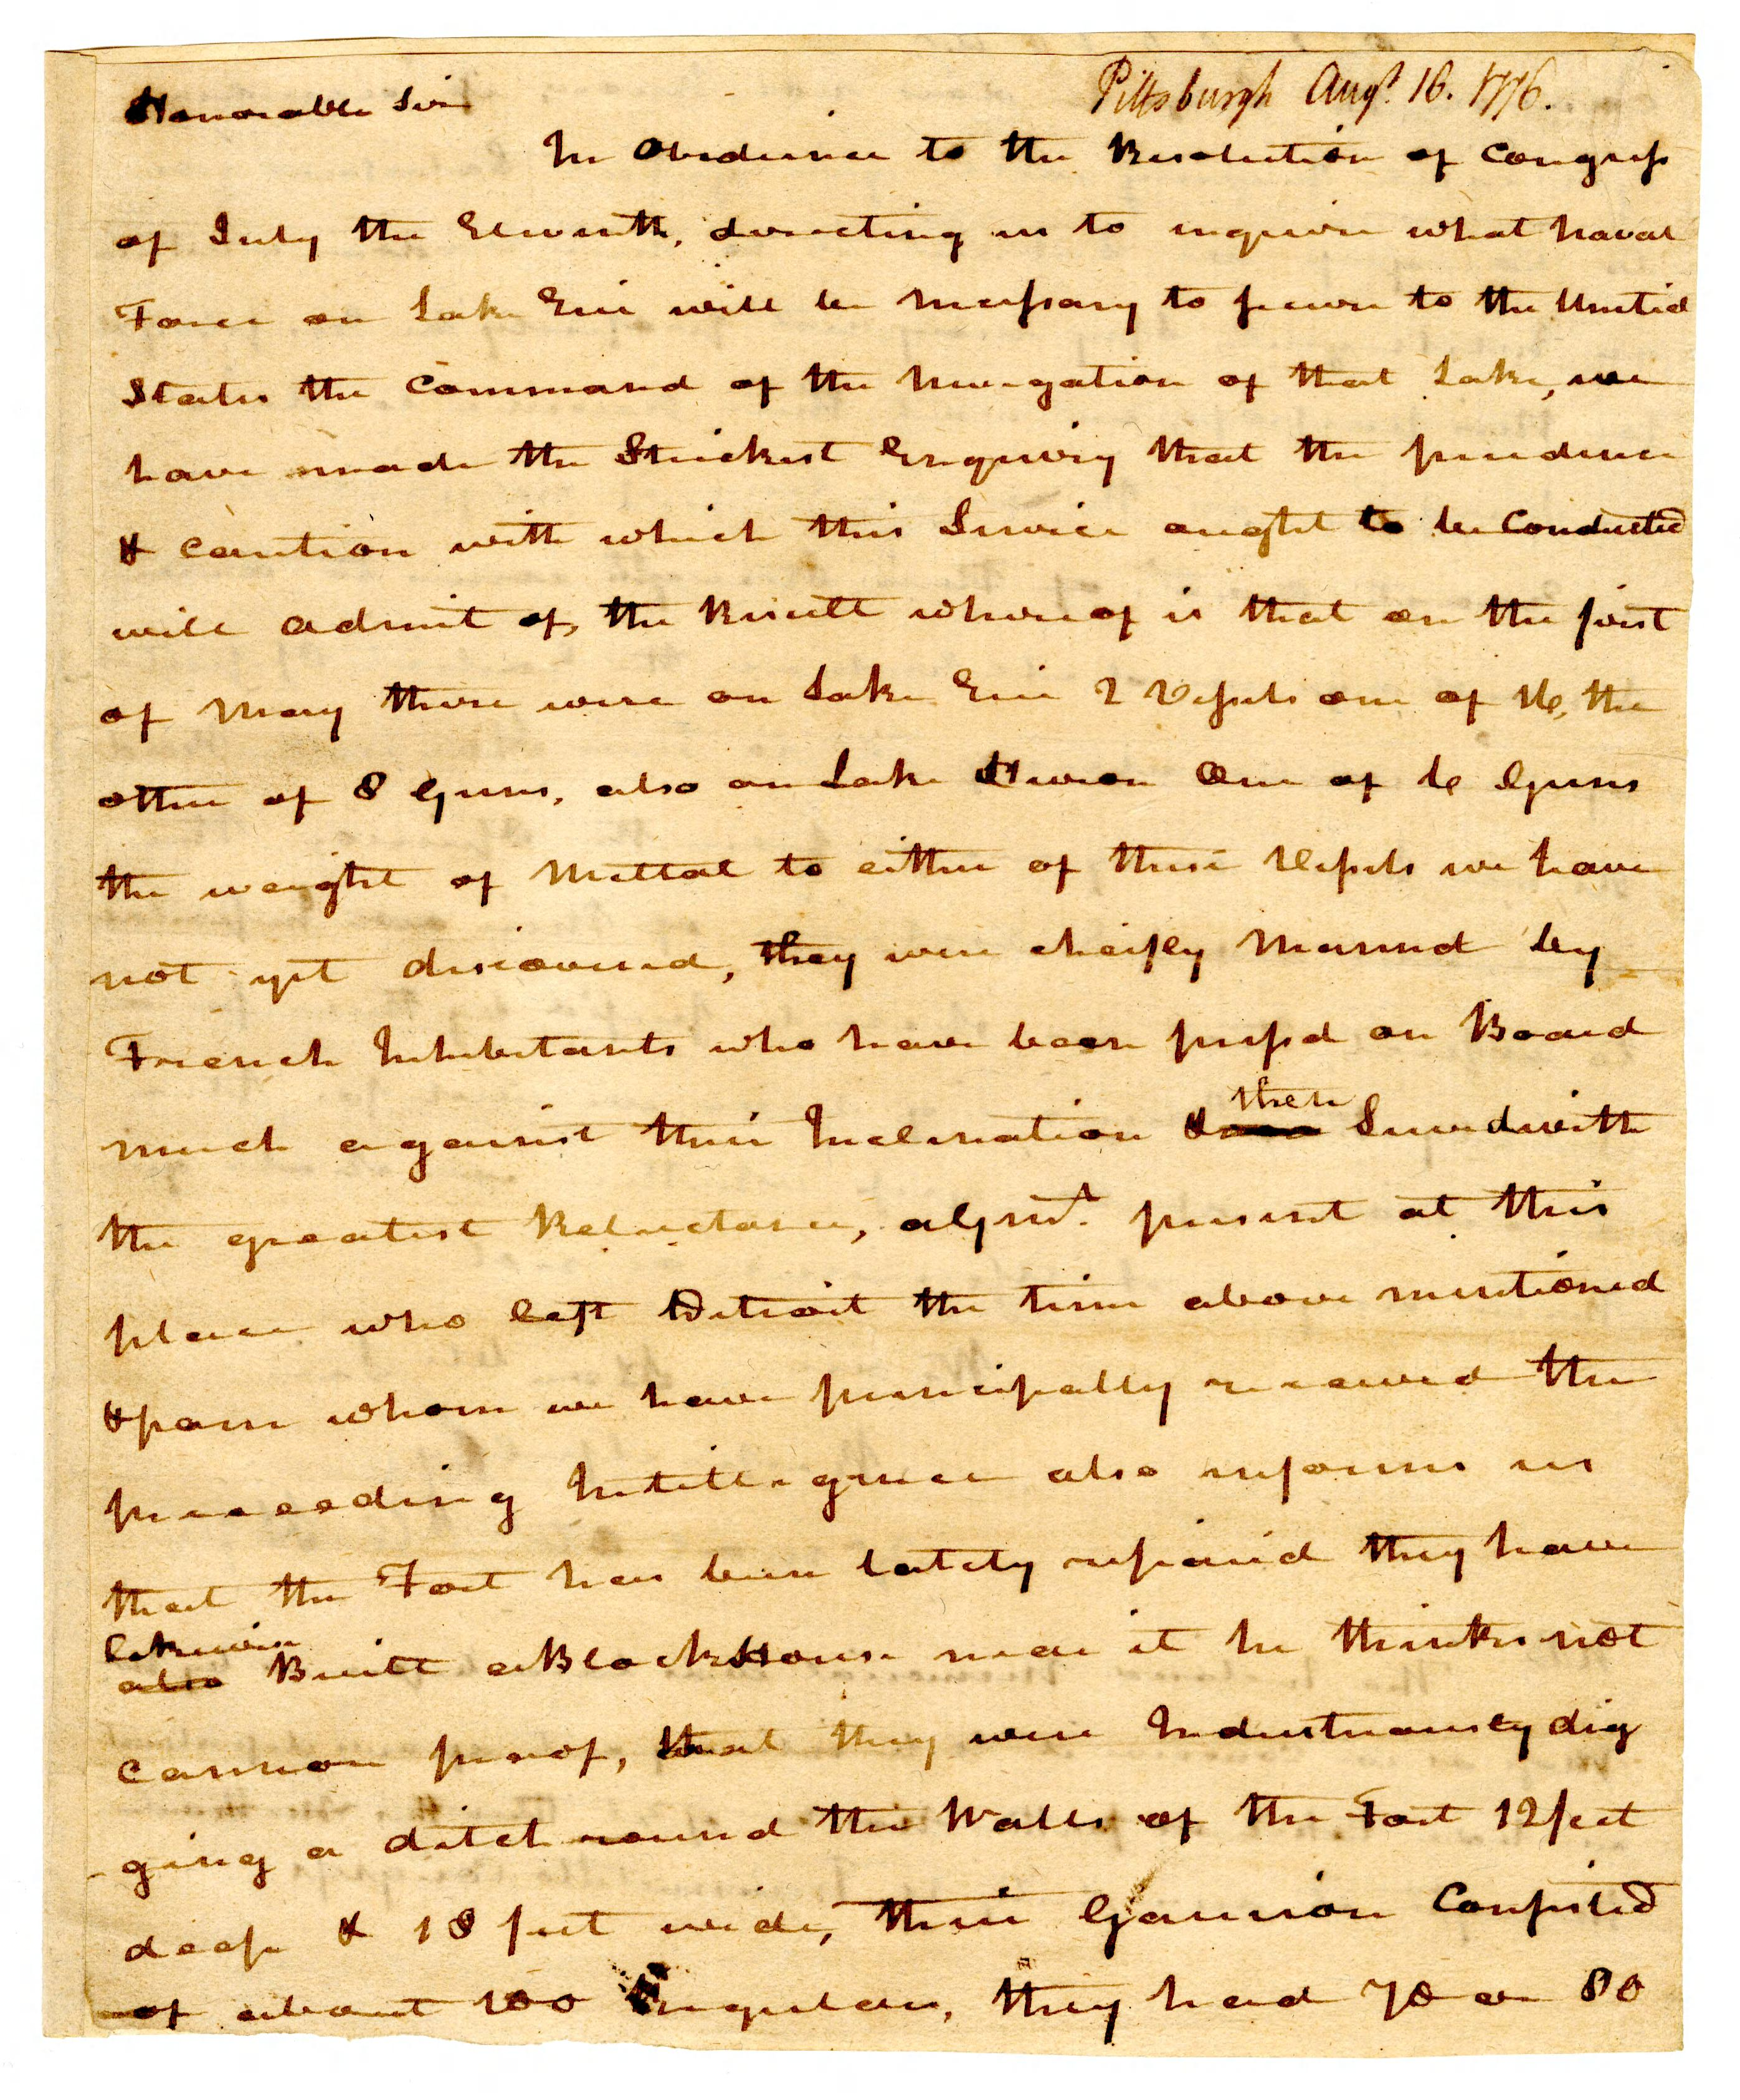Pittsburgh Aug^t. 16. 1776.
Honorable Sir
In advance to the Resolution of Congress
of July the Eleventh, directing us to inquire what naval
Force on Lake Erie will be necessary to secure to the United
States the Command of the navigation of that Lake, we
have made the Strickest Enquiry that the prudence
& caution with which this Service ought to be Conducted
will admit of, the Result where of is that on the first
of many those were on Lake Erie 2 Nights as of 16, the
other of 8 Guns, also on Lake Huron One of 6 Guns
the weight of mettal to either of these respects we have
not yet discovered, they were cheifly manned by
French inhabitants who have been pressed on Board
much against their Inclination & [___] Saved with
then
the greatest Reluctance, against present at this
place who left Detroit the time above mentioned
& from whom we have peacifally received the
proceeding intelligence also informs us
that the Fort has been lately reformed they have
likewise
also Built a Block House near it he thinks not
cannon proof, that they were Industriously dig
-ging a ditch round this Wall of the Fort 12 feat
deep & 18 feet wide, their Garrison Consisted
of about 100 regulars, they had 70 or 80